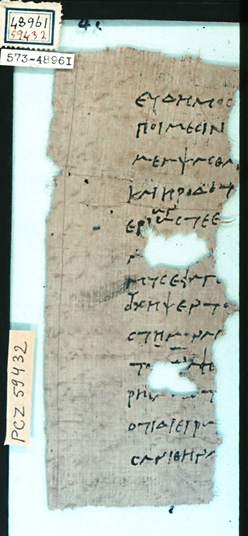ευδημοϲ
ποιμεϲιν
μεμψαϲθαι
καιηροδοτ
ερι ϲτεε
μυϲεφηπ
χηψεντο
ϲτημοναϲ
το αφθ
ρη τ
οτιδιειρω
ϲανιθηνα